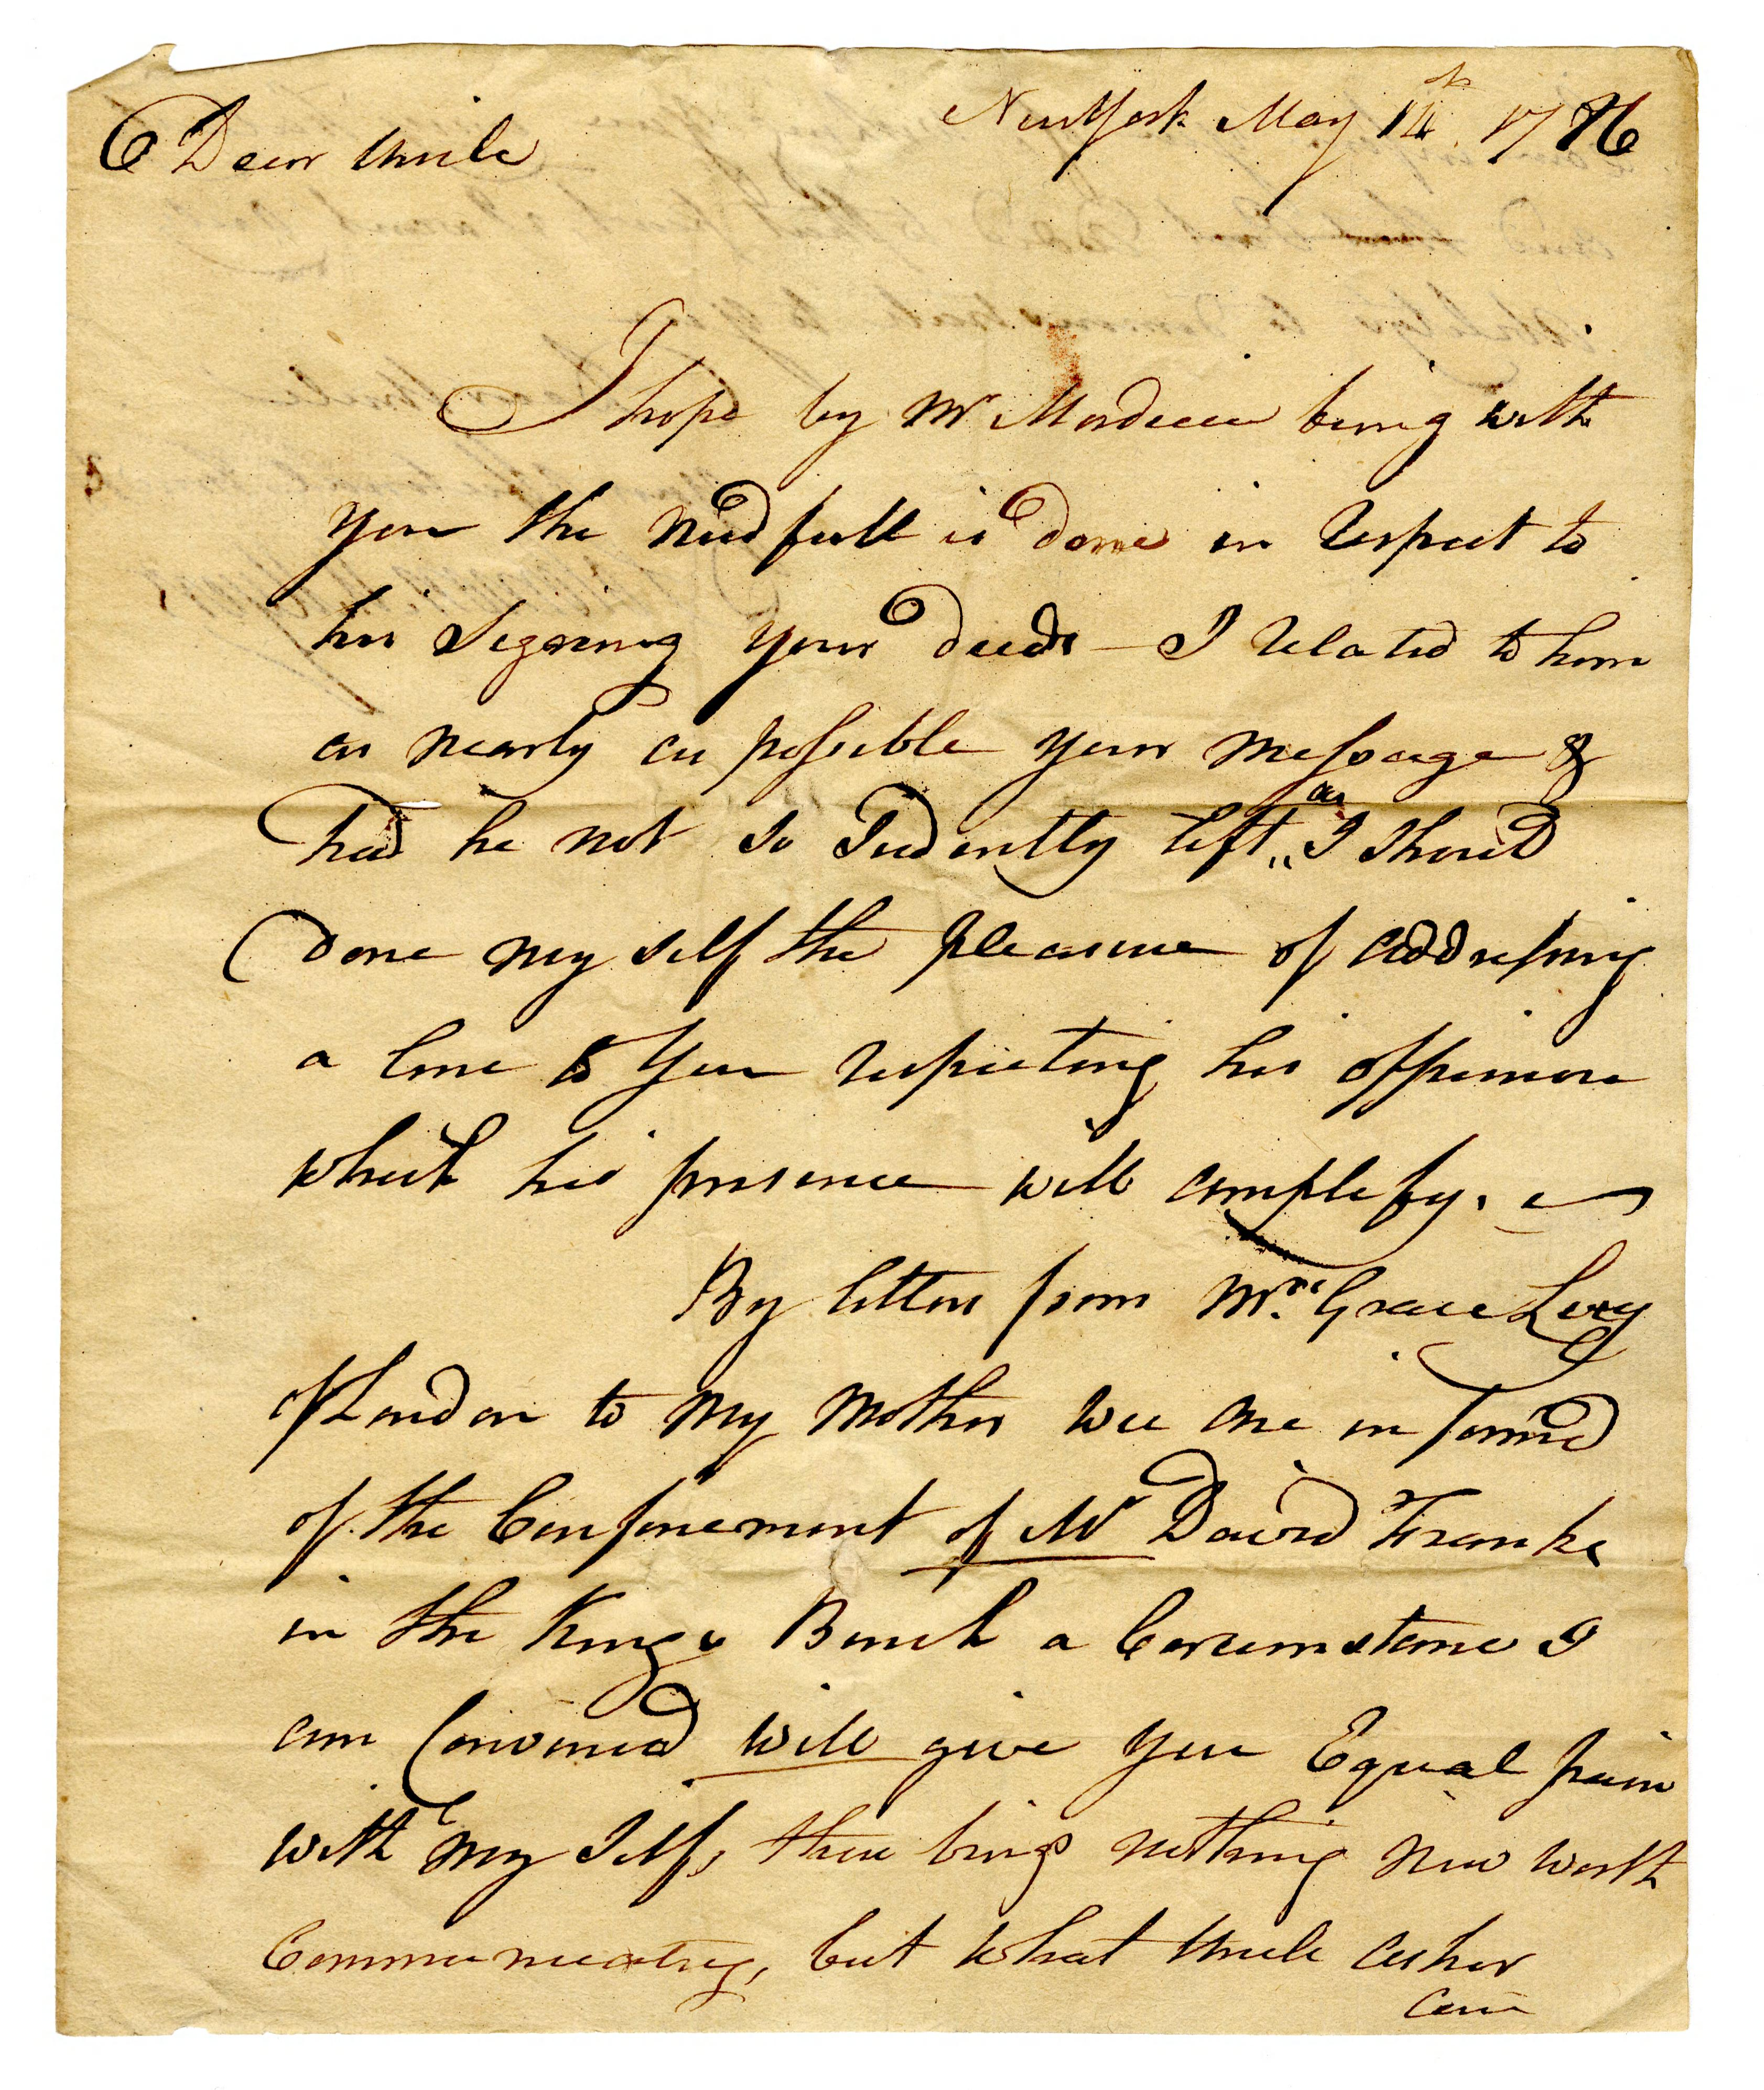New York May 14^th 1786
Dear Uncle
I hop'd by M^r. Mordecai being with
you the needfull is done in respect to
his Signing Your deeds- I related to him
as nearly as possible your message &
had he not so sudently left I should
done myself the pleasure of addressing
a line to you respecting his opinions
what his presence will complefy.-
By letters from M^rs. Grace Levy
of London to My Mother wee are inform'd
of the Confinement of M^r David Franks
in the Kings Brick a Circumstance I
am Convinced will give you Equal pain
with my self, there being nothing now worth
Communicating, but what Uncle Cerher
Can